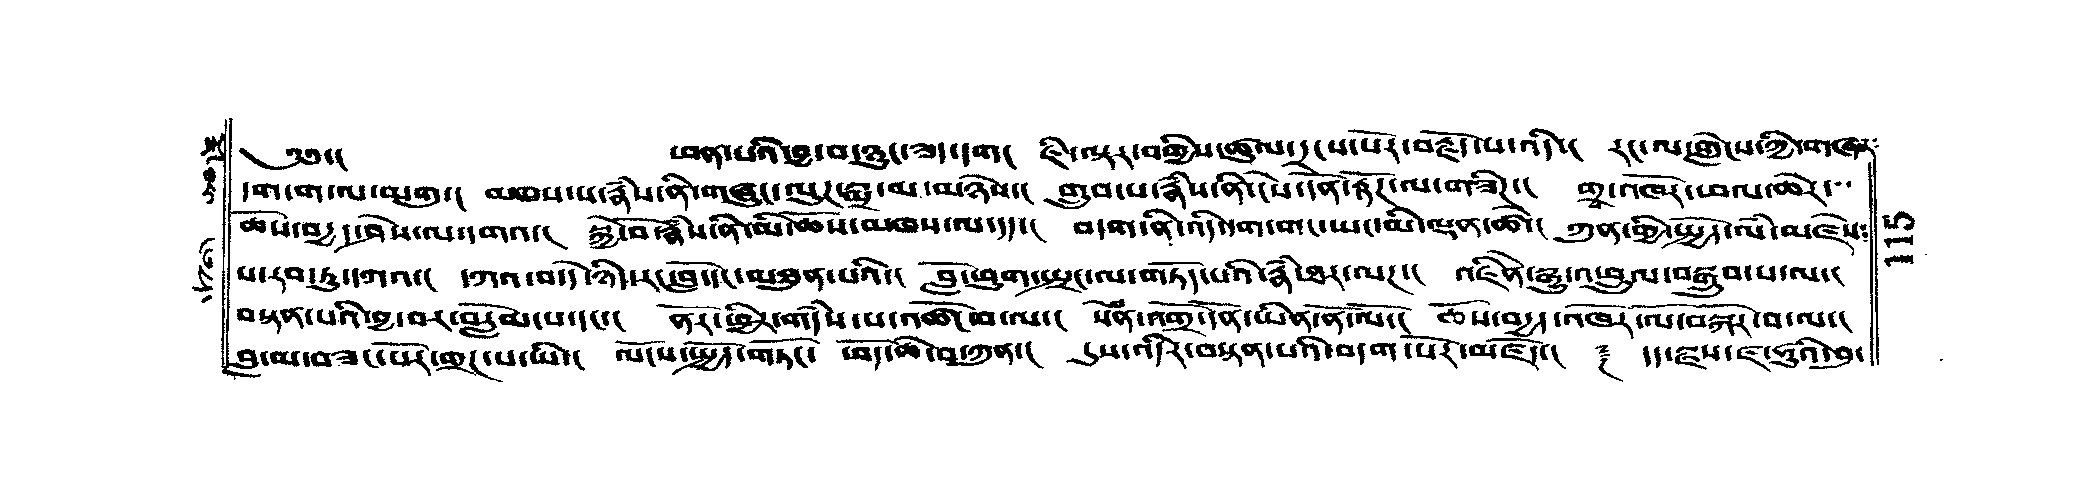ཕན་པའི་བྱ་བ་ཉུང་ཟད་དག ཇི་ལྟར་བགྱིས་ཚུལ་དྲང་པོར་བརྗོད་པ་འདི། །རང་ལ་གླེང་གི་གཞན་
དག་ག་ལ་མགུ། །མཁས་པ་རྣམས་ནི་གཞུང་ལུགས་སྨྲ་ལ་མཉེས། །གྲུབ་པ་རྣམས་ནི་ངེས་དོན་རྟོགས་ལ་གཟིགས། །གྲྭ་འཁོར་ཕལ་ཆེར་
ཆོས་བརྒྱད་ཤེས་ལ་དགའ། །སྐྱེ་བོ་རྣམས་ནི་མི་ཆོས་མཁས་ལ་དད། །བདག་ནི་འདི་དག་གང་ཡང་མི་ལྡན་ཚེ། །ཀུན་གྱི་སྤྱོད་ལམ་མཛེས་
པ་རབ་ཏུ་དཀའ། །དཀའ་བ་དེ་ཉིད་རང་བློ་དང་མཐུན་པའི། །བློ་ཕུག་སྤྲང་ལ་གཏོད་པའི་རྣམ་ཐར་ལགས། །འཇིག་རྟེན་སྒྱུ་འཕྲུལ་བསྒྲུབ་པ་ལ། །
བསྟན་པའི་བྱ་བར་བརློམ་པ་དང་། །ནོར་ཕྱིར་གདམས་པ་འཚོང་བ་ལ། །སེམས་ཅན་འགྲོ་དོན་ཡིན་ནོ་ལོ། །ཆོས་བརྒྱད་འཁོར་ལོ་བསྐོར་བ་ལ། །
བླ་མ་བཟང་པོར་གྲགས་པ་ཡི། །ལོངས་སྤྱོད་གཏོང་ཕོད་ཆེ་བ་ཀུན། །དུས་འདིར་བསྟན་པའི་བདག་པོར་མཛོད། །དད་རྫས་ཛ་ཧུའི་བུ་